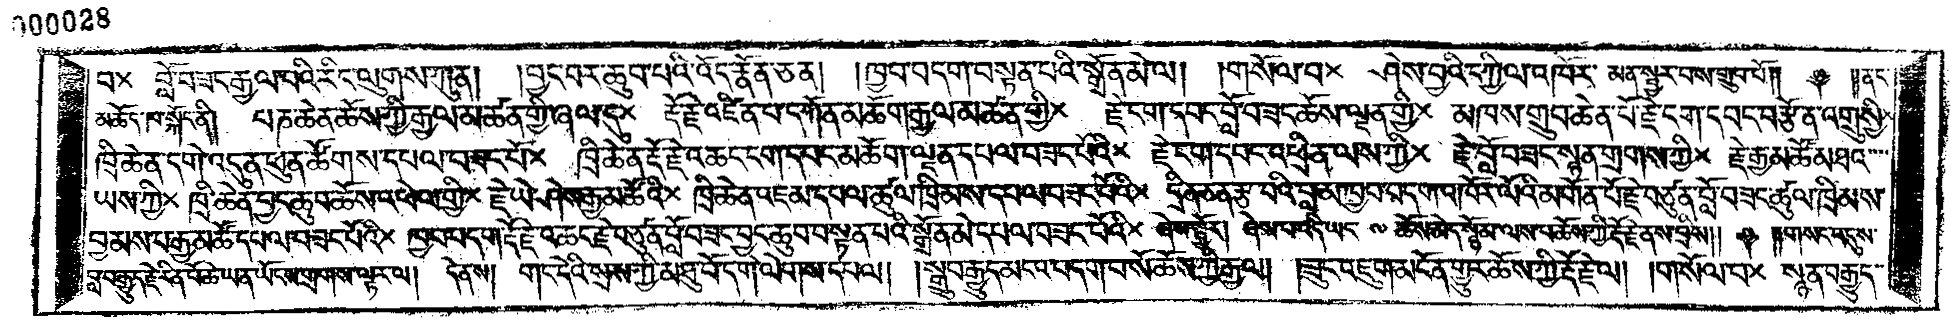བ྾་བློ་བཟང་རྒྱལ་བའི་རིང་ལུགས་ཀུན། །བྱང་བར་ཆུབ་པའི་འོད་རྣོན་ཅན། །ཁྱབ་བདག་བསྟན་པའི་སྒྲོན་མེ་ལ། །གསོལ་བ྾་ཤེས་བྱའི་དཀྱིལ་འཁོར་མན་སྦྱར་བས་གྲུབ་པོ།། ༈ །།ནང་
མཆོད་ཁ་སྐོང་ནི། པཎ་ཆེན་ཆོས་ཀྱི་རྒྱལ་མཚན་གྱི་ཞལ་དུ་྾་རྡོ་རྗེ་འཛིན་པ་དཀོན་མཆོག་རྒྱལ་མཚན་གྱི྾་རྗེ་ངག་དབང་བློ་བཟང་ཆོས་ལྡན་གྱི྾་མཁས་གྲུབ་ཆེན་པོ་རྗེ་ངག་དབང་བརྩོན་འགྲུས་ཀྱིས་
ཁྲི་ཆེན་དགེ་འདུན་ཕུན་ཚོགས་དཔལ་བཟང་པོ྾་ཁྲི་ཆེན་རྡོ་རྗེ་འཆང་ངག་དབང་མཆོག་ལྡན་དཔལ་བཟང་པོའི྾་རྗེ་ངག་དབང་འཕྲིན་ལས་ཀྱི྾་རྗེ་བློ་བཟང་སྙན་གྲགས་ཀྱི྾་རྗེ་རྒྱ་མཚོ་མཐའ་
ཡས་ཀྱི྾་ཁྲི་ཆེན་བྱང་ཆུབ་ཆོས་འཕེལ་གྱི྾་རྗེ་ཡེ་ཤེས་རྒྱ་མཚོའི྾་ཁྲི་ཆེན་འཇམ་དཔལ་ཚུལ་ཁྲིམས་དཔལ་བཟང་པོའི྾་དྲིན་ཅན་རྩ་བའི་བླ་མ་ཁྱབ་བདག་འཁོར་ལོའི་མགོན་པོ་རྗེ་བཙུན་བློ་བཟང་ཚུལ་ཁྲིམས་
བྱམས་པ་རྒྱ་མཚོ་དཔལ་བཟང་པོའི྾་ཁྱབ་བདག་རྡོ་རྗེ་འཆང་རྗེ་བཙུན་བློ་བཟང་བྱང་ཆུབ་བསྟན་པའི་སྒྲོན་མེ་དཔལ་བཟང་པོའི྾་ཞེས་སྦྱོར། ཞེས་པ་འདི་ཡང་༧་ཆོས་མེད་སྙོམ་ལས་པ་ཆོས་ཀྱི་རྡོ་རྗེ་ནས་བྲིས།། ༈ །།གསང་འདུས་
བླ་བརྒྱུད་རྗེ་རིན་པོ་ཆེ་ཡན་ཡོངས་གྲགས་ལྟར་ལ། དེ་ནས། གང་དེའི་སྲས་ཀྱི་མཐུ་བོ་དགེ་ལེགས་དཔལ། །སྒྲུབ་རྒྱུད་མངའ་བདག་པ་སོ་ཆོས་ཀྱི་རྒྱལ། །ཟུང་འཇུག་མངོན་གྱུར་ཆོས་ཀྱི་རྡོ་རྗེ་ལ། །གསོལ་བ྾་སྙན་བརྒྱུད་